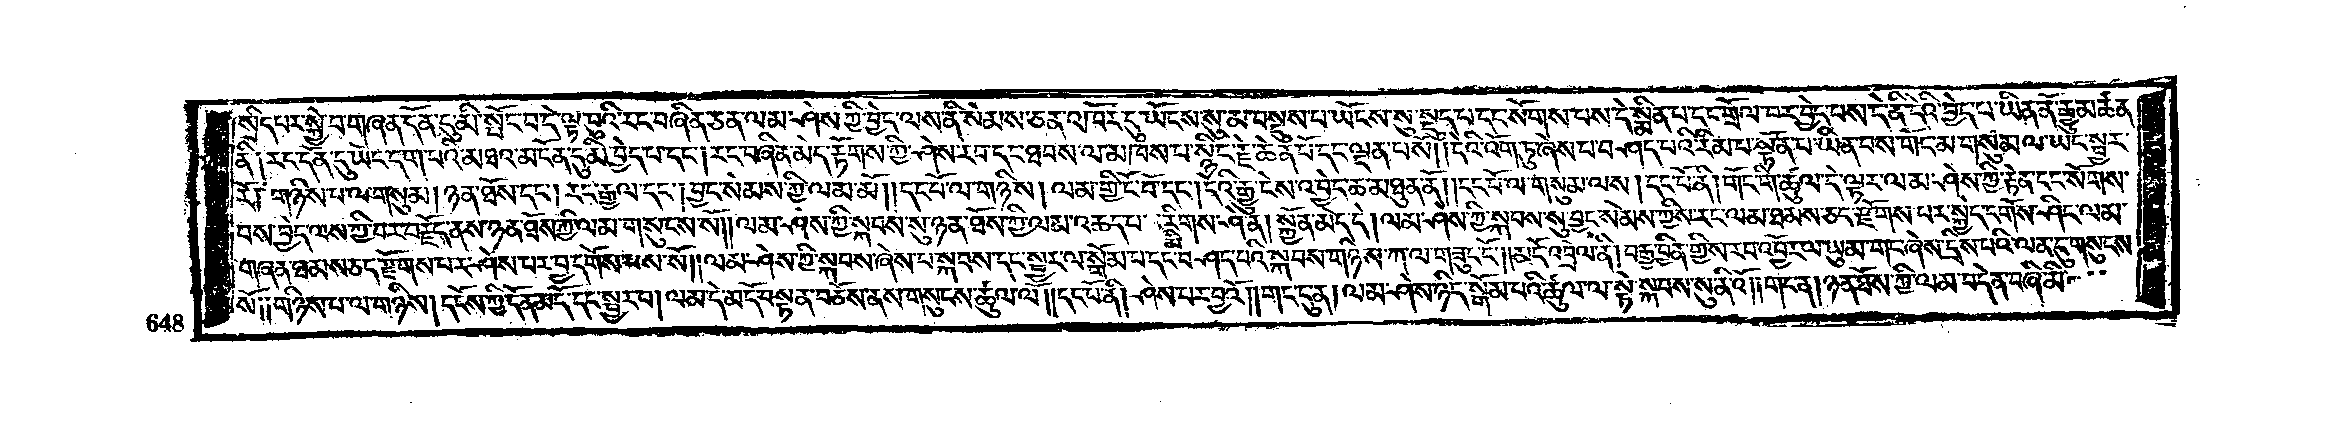སྲིད་པར་སྐྱེ་བ་གཞན་དོན་དུ་མི་སྤོང་བ་དེ་ལྟ་བུའི་རང་བཞིན་ཅན་ལམ་ཤེས་ཀྱི་བྱེད་ལས་ནི་སེམས་ཅན་འཁོར་དུ་ཡོངས་སུ་མ་བསྡུས་པ་ཡོངས་སུ་སྡུད་པ་དང་སོགས་པས་དེ་སྨིན་པ་དང་གྲོལ་བར་བྱེད་པས་དེ་ནི་དེའི་བྱེད་པ་ཡིན་ནོ་རྒྱུ་མཚན་
ནི། རང་དོན་དུ་ཡང་དག་པའི་མཐའ་མངོན་དུ་མི་བྱེད་པ་དང་། རང་བཞིན་མེད་རྟོགས་ཀྱི་ཤེས་རབ་དང་ཐབས་ལ་མཁས་པ་སྙིང་རྗེ་ཆེན་པོ་དང་ལྡན་པས། །དེའི་འོག་ཏུ་ཞེས་པ་བཤད་པའི་རིམ་པ་སྟོན་པ་ཡིན་པས་གོང་མ་གསུམ་ལ་ཡང་སྦྱར་
རོ། གཉིས་པ་ལ་གསུམ། ཉན་ཐོས་དང་། རང་རྒྱལ་དང་། བྱང་སེམས་ཀྱི་ལམ་མོ། །དང་པོ་ལ་གཉིས། ལམ་གྱི་ངོ་བོ་དང་། དེའི་རྒྱུ་ངེས་འབྱེད་ཆ་མཐུན་ནོ། །དང་པོ་ལ་གསུམ་ལས། དང་པོ་ནི། གོང་གི་ཚུལ་དེ་ལྟར་ལམ་ཤེས་ཀྱི་རྟེན་དང་སོགས་
བས་བྱེད་ལས་ཀྱི་བར་བརྗོད་ནས་ཉན་ཐོས་ཀྱི་ལམ་གསུངས་སོ། །ལམ་ཤེས་ཀྱི་སྐབས་སུ་ཉན་ཐོས་ཀྱི་ལམ་འཆད་པ་མི་རིགས་ཤེ་ན། སྐྱོན་མེད་དེ། ལམ་ཤེས་ཀྱི་སྐབས་སུ་བྱང་སེམས་ཀྱིས་རང་ལམ་ཐམས་ཅད་རྫོགས་པར་སྐྱེད་དགོས་ཤིང་ལམ་
གཞན་ཐམས་ཅད་རྫོགས་པར་ཤེས་པར་བྱ་དགོས་པས་སོ། །ལམ་ཤེས་ཀྱི་སྐབས་ཞེས་པ་སྐབས་དང་སྦྱར་ལ་སྒོམ་པ་དང་བཤད་པའི་སྐབས་གཉིས་ཀ་ལ་གཟུང་ངོ། །མདོ་འབྲེལ་ནི། བརྒྱ་བྱིན་གྱིས་རབ་འབྱོར་ལ་ཡུམ་གང་ཞེས་དྲིས་པའི་ལན་དུ་གསུངས་
སོ། །གཉིས་པ་ལ་གཉིས། དངོས་ཀྱི་དོན་མདོ་དང་སྦྱར་བ། ལམ་དེ་མདོ་བསྟན་བཅོས་ནས་གསུངས་ཚུལ་ལོ། །དང་པོ་ནི། ཤེས་པར་བྱའོ། །གང་དུ་ན། ལམ་ཤེས་ཉིད་སྒོམ་པའི་ཚུལ་ལ་སྟེ་སྐབས་སུ་ནི་འོ། །གང་ན། ཉན་ཐོས་ཀྱི་ལམ་བདེན་བཞི་མི་?